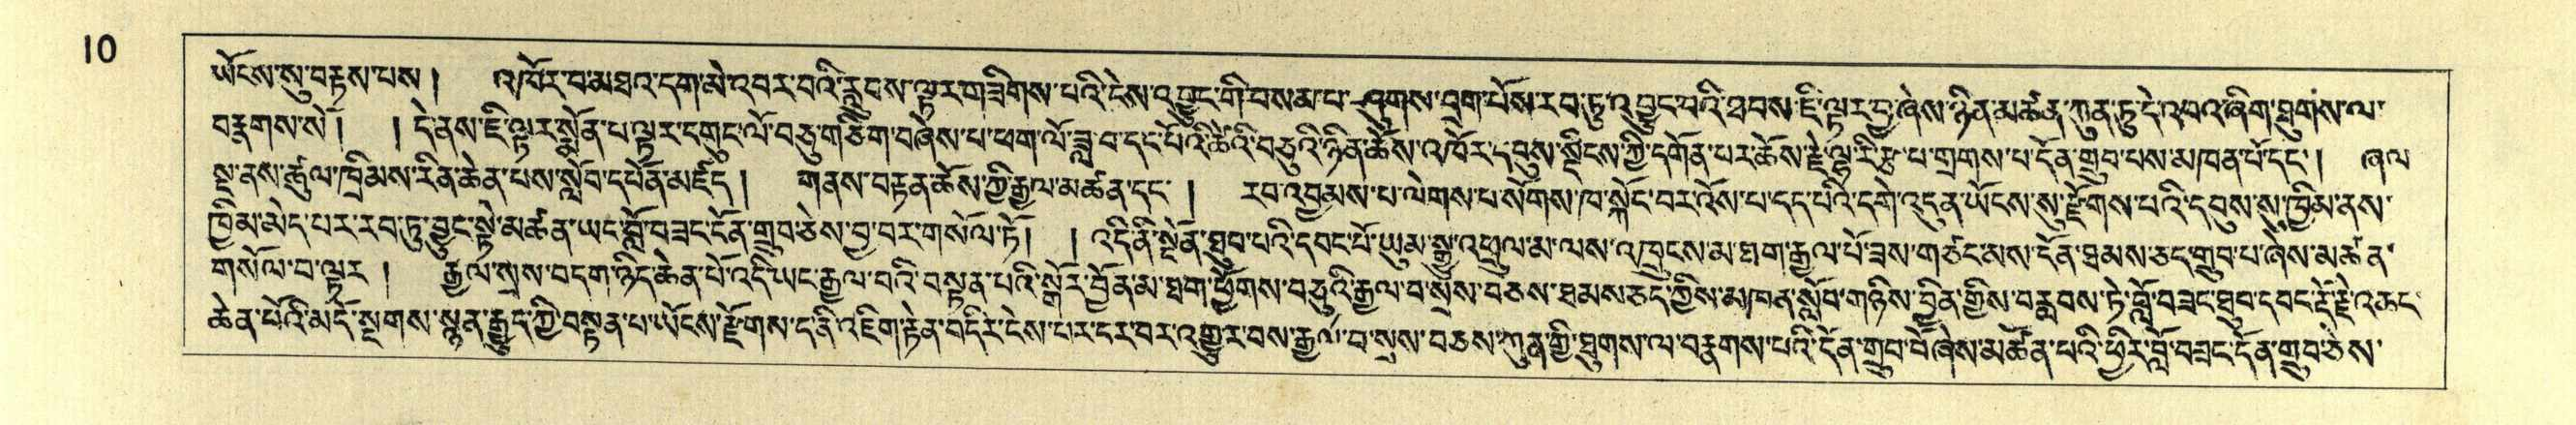ཡོངས་སུ་བརྟས་པས། འཁོར་བ་མཐའ་དག་མེ་འབར་བའི་རླུབས་ལྟར་གཟིགས་པའི་ངེས་འབྱུང་གི་བསམ་པ་ཤུགས་བྲག་པོས་རབ་ཏུ་འབྱུང་བའི་ཐབས་ཇི་ལྟར་བྱ་ཞེས་ཉིན་མཚན་ཀུན་ཏུ་དེ་འབའ་ཞིག་ཐུགས་ལ་
བརྣགས་སོ། །དེ་ནས་ཇི་ལྟར་སྨོན་པ་ལྟར་དགུང་ལོ་བཅུ་གཅིག་བཞེས་པ་ཕག་ལོ་ཟླ་བ་དང་པོའི་ཚེའི་བཅུའི་ཉིན་ཆོས་འཁོར་དབུས་སྡིངས་ཀྱི་དགོན་པར་ཆོས་རྗེ་ལྷ་རི་རྩ་པ་གྲགས་པ་དོན་གྲུབ་པས་མཁན་པོ་དང་། ཞལ་
སྔ་ནས་ཚུལ་ཁྲིམས་རིན་ཆེན་པས་སློབ་དཔོན་མཛད། གནས་བརྟན་ཆོས་ཀྱི་རྒྱལ་མཚན་དང་། རབ་འབྱམས་པ་ལེགས་པ་སོགས་ཁ་སྐོང་བར་འོས་པ་དད་པའི་དགེ་འདུན་ཡོངས་སུ་རྫོགས་པའི་དབུས་སུ་ཁྱིམ་ནས་
ཁྱིམ་མེད་པར་རབ་ཏུ་བྱུང་སྟེ་མཚན་ཡང་བློ་བཟང་ངོན་གྲུབ་ཅེས་བྱ་བར་གསོལ་ཏོ། །འདི་ནི་སྔོན་ཐུབ་པའི་དབང་པོ་ཡུམ་སྒྱུ་འཕྲུལ་མ་ལས་འཁྲུངས་མ་ཐག་རྒྱལ་པོ་ཟས་གཙང་མས་དོན་ཐམས་ཅད་གྲུབ་པ་ཞེས་མཚན་
གསོལ་བ་ལྟར། རྒྱལ་སྲས་བདག་ཉིད་ཆེན་པོ་འདི་ཡང་རྒྱལ་བའི་བསྟན་པའི་སྒོར་བྱོན་མ་ཐག་ཕྱོགས་བཅུའི་རྒྱལ་བ་སྲས་བཅས་ཐམས་ཅད་ཀྱིས་མཁན་སློབ་གཉིས་བྱིན་གྱིས་བརླབས་ཏེ་བློ་བཟང་ཐུབ་དབང་རྡོ་རྗེ་འཆང་
ཆེན་པོའི་མདོ་སྔགས་སྙན་རྒྱུད་ཀྱི་བསྟན་པ་ཡོངས་རྫོགས་ད་ནི་འཇིག་རྟེན་བདིར་ངེས་པར་ངར་བར་འགྱུར་བས་རྒྱལ་བ་སྲས་བཅས་ཀུན་གྱི་ཐུགས་ལ་བྲངས་པའི་དོན་གྲུབ་བོ་ཞེས་མཚོན་པའི་ཕྱིར་བློ་བཟང་དོན་གྲུབ་ཅེས་